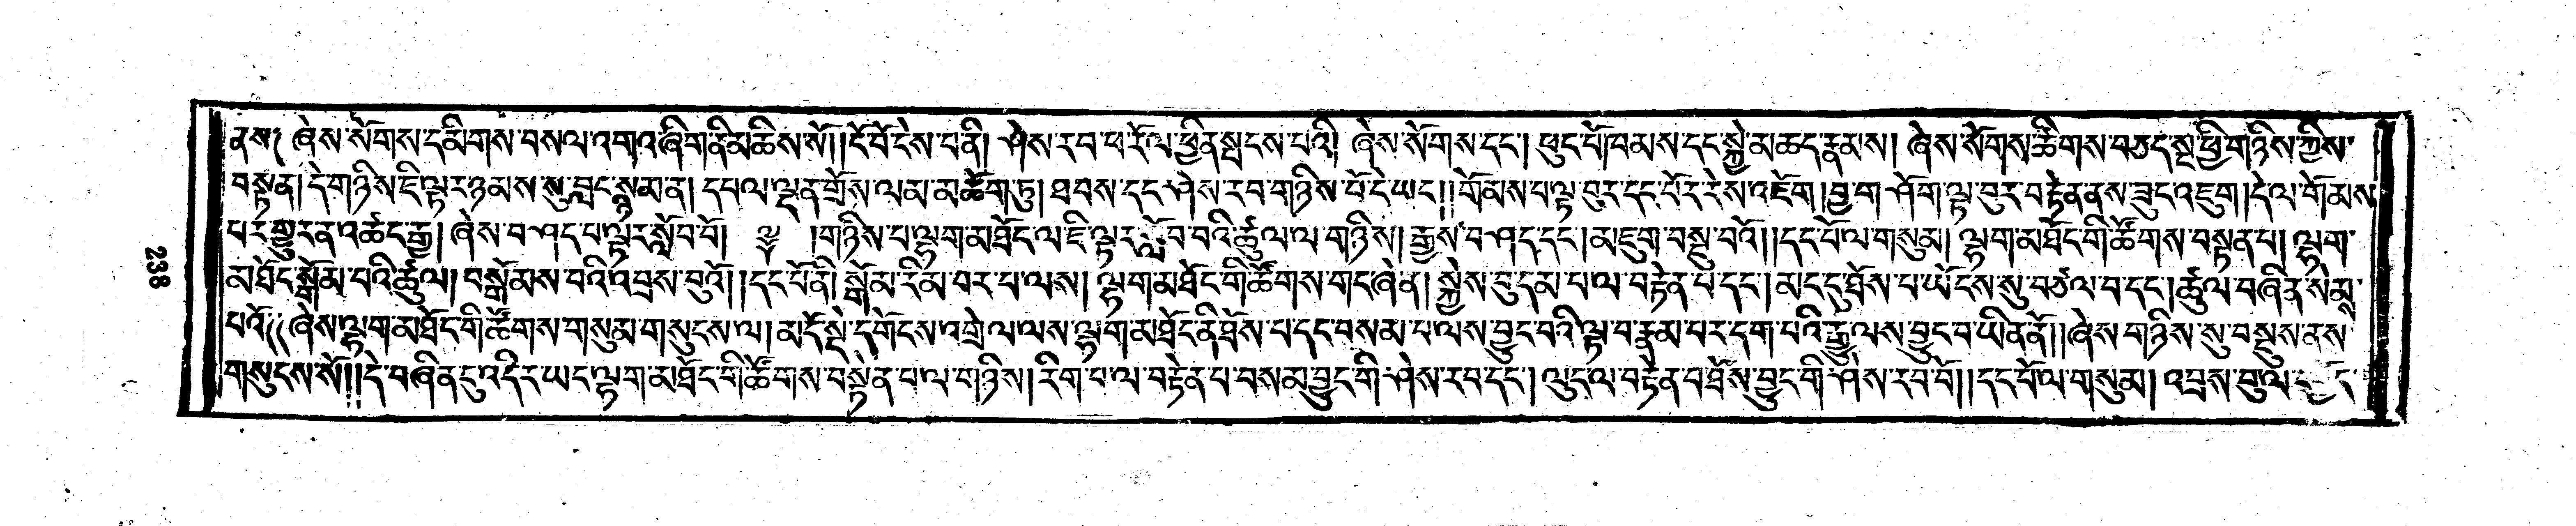ནས། ཞེས་སོགས་དམིགས་བསལ་འགའ་ཞིག་ནི་མཆིས་སོ། །ངོ་བོ་ངེས་པ་ནི། ཤེས་རབ་ཕ་རོལ་ཕྱིན་སྤངས་པའི། ཞེས་སོགས་དང་། ཕུང་པོ་ཁམས་དང་སྐྱེ་མཆེད་རྣམས། ཞེས་སོགས་ཚིགས་བཅད་སྔ་ཕྱི་གཉིས་ཀྱིས་
བསྟན། དེ་གཉིས་ཇི་ལྟར་ཉམས་སུ་བླང་སྙམ་ན། དཔལ་ལྡན་གྲོས་ལམ་མཆོག་ཏུ། ཐབས་དང་ཤེས་རབ་གཉིས་པོ་དེ་ཡང་། །གོམས་པ་ལྟ་བུར་དང་པོར་རེས་འཇོག །བྱ་གཤོག་ལྟ་བུར་བརྟེན་ནས་ཟུང་འཇུག །དེ་ལ་གོམས་
པར་གྱུར་ན་འཚང་རྒྱ། ཞེས་བཤད་པ་ལྟར་སློབ་བོ། ༈ །གཉིས་པ་ལྷག་མཐོང་ལ་ཇི་ལྟར་སློབ་པའི་ཚུལ་ལ་གཉིས། རྒྱས་བཤད་དང་། མཇུག་བསྡུ་བའོ། །དང་པོ་ལ་གསུམ། ལྷག་མཐོང་གི་ཚོགས་བསྟན་པ། ལྷག་
མཐོང་སྒོམ་པའི་ཚུལ། བསྒོམས་པའི་འབྲས་བུའོ། །དང་པོ་ནི། སྒོམ་རིམ་བར་པ་ལས། ལྷག་མཐོང་གི་ཚོགས་གང་ཞེ་ན། སྐྱེས་བུ་དམ་པ་ལ་བརྟེན་པ་དང་། མང་དུ་ཐོས་པ་ཡོངས་སུ་བཙལ་བ་དང་། ཚུལ་བཞིན་སེམས་
པའོ། །ཞེས་ལྷག་མཐོང་གི་ཚོགས་གསུམ་གསུངས་ལ། མདོ་སྡེ་དགོངས་འགྲེལ་ལས་ལྷག་མཐོང་ནི་ཐོས་པ་དང་བསམ་པ་ལས་བྱུང་བའི་ལྟ་བ་རྣམ་པར་དག་པའི་རྒྱུ་ལས་བྱུང་བ་ཡིན་ནོ། །ཞེས་གཉིས་སུ་བསྡུས་ནས་
གསུངས་སོ། །དེ་བཞིན་དུ་འདིར་ཡང་ལྷག་མཐོང་གི་ཚོགས་བསྟེན་པ་ལ་གཉིས། རིག་པ་ལ་བརྟེན་པ་བསམ་བྱུང་གི་ཤེས་རབ་དང་། ལུང་ལ་བརྟེན་པ་ཐོས་བྱུང་གི་ཤེས་རབ་བོ། །དང་པོ་ལ་གསུམ། འབྲས་བུ་ལ་དཔྱོད་